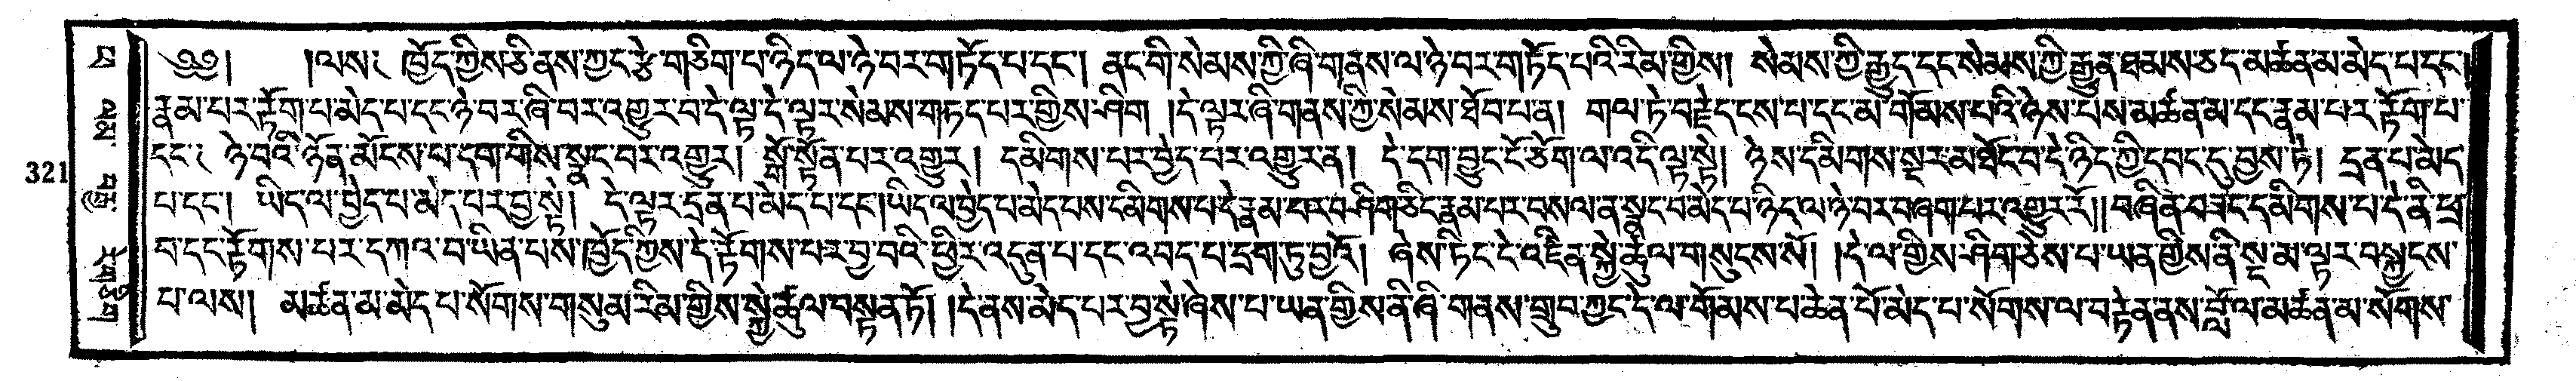༄༅། །ལས༑ ཁྱོད་ཀྱིས་ཅི་ནས་ཀྱང་རྩེ་གཅིག་པ་ཉིད་ལ་ཉེ་བར་གཏོད་པ་དང་། ནང་གི་སེམས་ཀྱི་ཞི་གནས་ལ་ཉེ་བར་གཏོད་པའི་རིམ་གྱིས། སེམས་ཀྱི་རྒྱུད་དང་སེམས་ཀྱི་རྒྱུན་ཐམས་ཅད་མཚན་མ་མེད་པ་དང་།
རྣམ་པར་རྟོག་པ་མེད་པ་དང་ཉེ་བར་ཞི་བར་འགྱུར་བ་དེ་ལྟ་དེ་ལྟར་སེམས་གཏད་པར་གྱིས་ཤིག །དེ་ལྟར་ཞི་གནས་ཀྱི་སེམས་ཐོབ་པ་ན། གལ་ཏེ་བརྗེད་ངས་པ་དང་མ་གོམས་པའི་ཉེས་པས་མཚན་མ་དང་རྣམ་པར་རྟོག་པ་
དང༑ ཉེ་བའི་ཉོན་མོངས་པ་དག་གིས་སྣང་པར་འགྱུར། སྒོ་སྟོན་པར་འགྱུར། དམིགས་པར་བྱེད་པར་འགྱུར་ན། དེ་དག་བྱུང་ངོ་ཅོག་ལ་འདི་ལྟ་སྟེ། ཉེས་དམིགས་སྔར་མཐོང་བ་དེ་ཉིད་ཀྱི་དབང་དུ་བྱས་ཏེ། དྲན་པ་མེད་
པ་དང་། ཡིད་ལ་བྱེད་པ་མེད་པར་བྱ་སྟེ། དེ་ལྟར་དྲན་པ་མེད་པ་དང་། ཡིད་ལ་བྱེད་པ་མེད་པས་དམིགས་པ་དེ་རྣམ་བར་བཤིག་ཅིང་རྣམ་པར་བསལ་ན་སྣང་བ་མེད་པ་ཉིད་ལ་ཉེ་བར་བཞག་པར་འགྱུར་རོ། །བཞིན་བཟང་དམིགས་པ་དེ་ནི་ཕྲ་
བ་དང་རྟོགས་པར་དཀའ་བ་ཡིན་པས་ཁྱོད་ཀྱིས་དེ་རྟོགས་པར་བྱ་བའི་ཕྱིར་འདུན་པ་དང་འབད་པ་དྲག་ཏུ་བྱའོ། ཞེས་ཏིང་ངེ་འཛིན་སྐྱེ་ཚུལ་གསུངས་སོ། །དེ་ལ་གྱིས་ཤིག་ཅེས་པ་ཡན་གྱིས་ནི་སྔ་མ་ལྟར་བསྐྱངས་
པ་ལས། མཚན་མ་མེད་པ་སོགས་གསུམ་རིམ་གྱིས་སྐྱེ་ཚུལ་བསྟན་ཏོ། །དེ་ནས་མེད་པར་བྱ་སྟེ་ཞེས་པ་ཡན་གྱིས་ནི་ཞི་གནས་གྲུབ་ཀྱང་དེ་ལ་གོམས་པ་ཆེན་པོ་མེད་པ་སོགས་ལ་བརྟེན་ནས་བློ་ནས་བློ་ལ་མཚན་མ་སོགས་